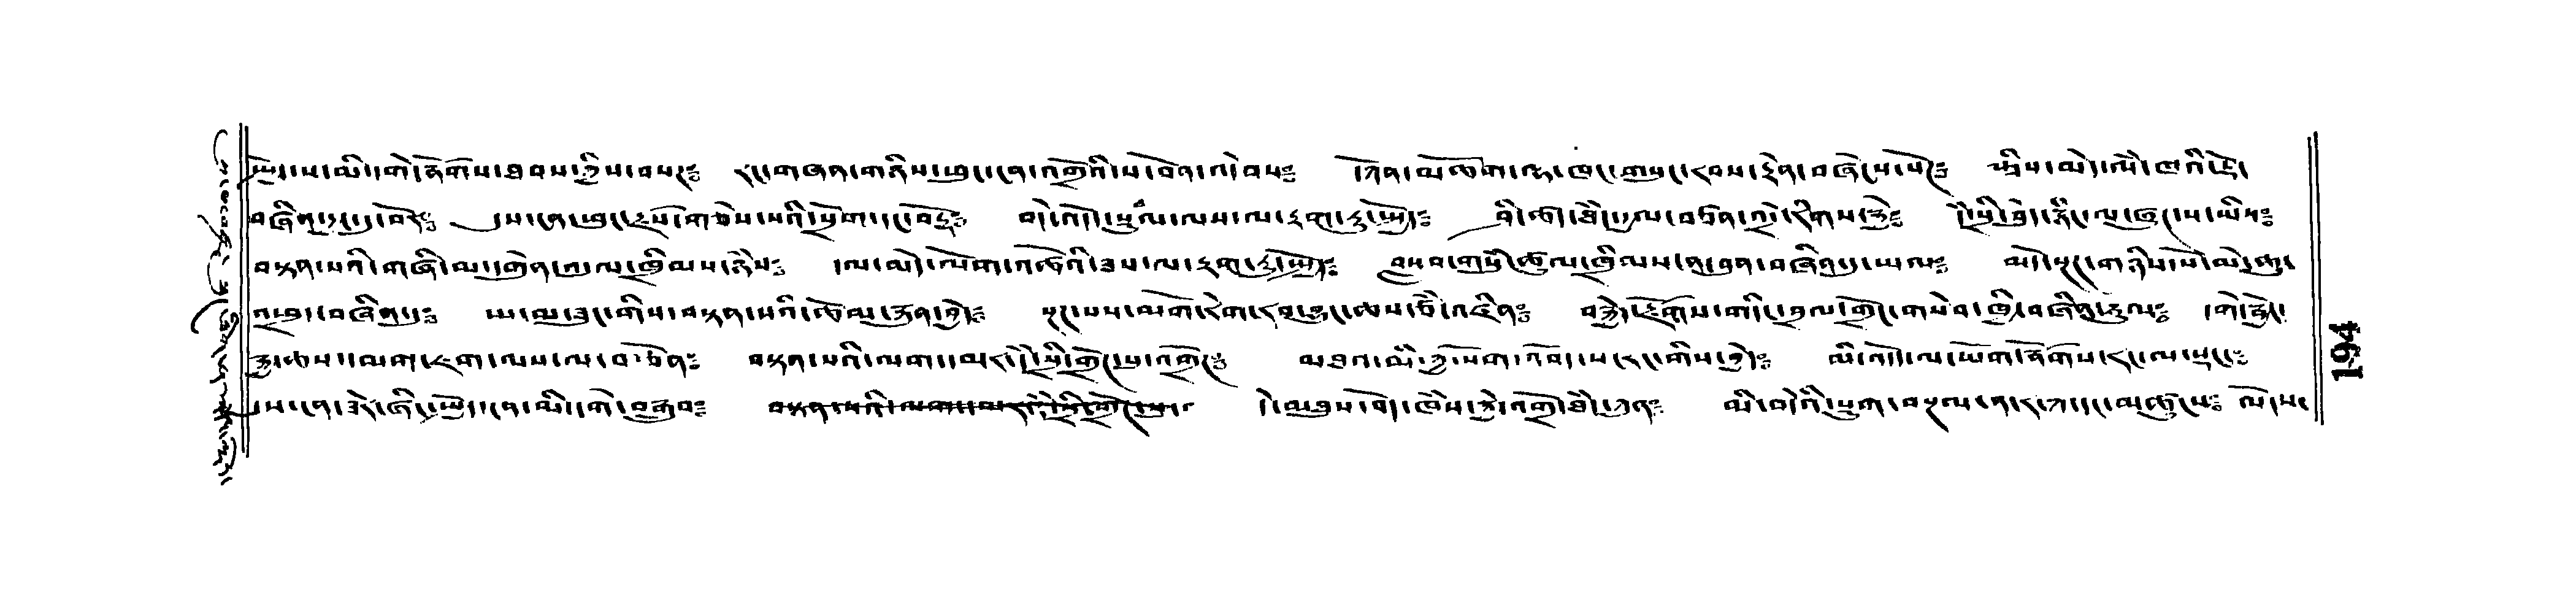སྤྱོད་པ་མི་དགེ་སྣ་ཚོགས་ཐབས་ཀྱིས་གསོག༔ རང་གཞན་གཉིས་ཕུང་ངན་འགྲོའི་ས་བོན་འདེབས༔ དཀོན་མཆོག་ལྷ་ཁང་གསུང་རབ་རྟེན་བཞེངས་སོགས༔ རྩིས་མེད་ལམ་ཁའི་རྡོ་
བཞིན་རྒྱང་དུ་བོར༔ དུས་ངན་ཕུང་རྫས་གཅེས་པའི་སྲོག་དང་བརྡོ༔ བདེ་འདོད་སྡུག་བསྔལ་ལས་ལ་རྟག་ཏུ་སྤྱོད༔ ཤི་ཚད་ཐམས་ཅད་རྒྱལ་བཙན་འདྲེ་རིགས་སྐྱེ༔ དམ་སྲི་བུད་མེད་སྙིང་ལ་ཞུགས་པ་ཡིས༔ 
བསྟན་པའི་གཞི་མ་དགེ་འདུན་འདུལ་ཁྲིམས་ཉམས༔ དམ་མེད་ལོག་འཚོའི་ཟས་ལ་རྟག་ཏུ་སྤྱོད༔ བསླབ་གསུམ་ཚུལ་ཁྲིམས་ན་བུན་བཞིན་དུ་ཡལ༔ མདོ་སྔགས་གཉིས་པོ་མེ་ཆུ་
འཕྲད་བཞིན་དུ༔ ཡ་མ་ཟུང་གིས་བསྟན་པའི་ཆོམ་རྐུན་བྱེད༔ སྔགས་པས་མགོ་རེག་རབ་བྱུང་ཆས་ཙམ་འཛིན༔ བསྐྱེད་རྫོགས་གདིང་བྲལ་གྲོང་གསེབ་ཁྱི་བཞིན་ཉུལ༔ དགེ་སྦྱོང་
སྐྱ་ཆས་དམག་ཇག་ལས་ལ་བརྩོན༔ བསྟན་པའི་ལག་དམར་དམ་སྲི་གྲོགས་སུ་འགྲོགས༔ མཐའ་མི་རྒྱ་སོག་འབོད་པ་རང་གིས་བྱེད༔ མི་འདོད་ལ་ཡོག་སྣ་ཚོགས་རང་ལ་སྡང༔ 
དུས་ངན་ཟེར་ཞིང་སྤྱོད་ངན་མི་དགེ་བསྒྲུབ༔ དེ་མཐུས་བོད་ཁམས་སྐྱེ་འགྲོ་ཐམས་ཅད་ཀུན༔ མི་བདེའི་སྡུག་བསྔལ་ན་ར་ཀ་དང་མཚུངས༔ ལོངས་